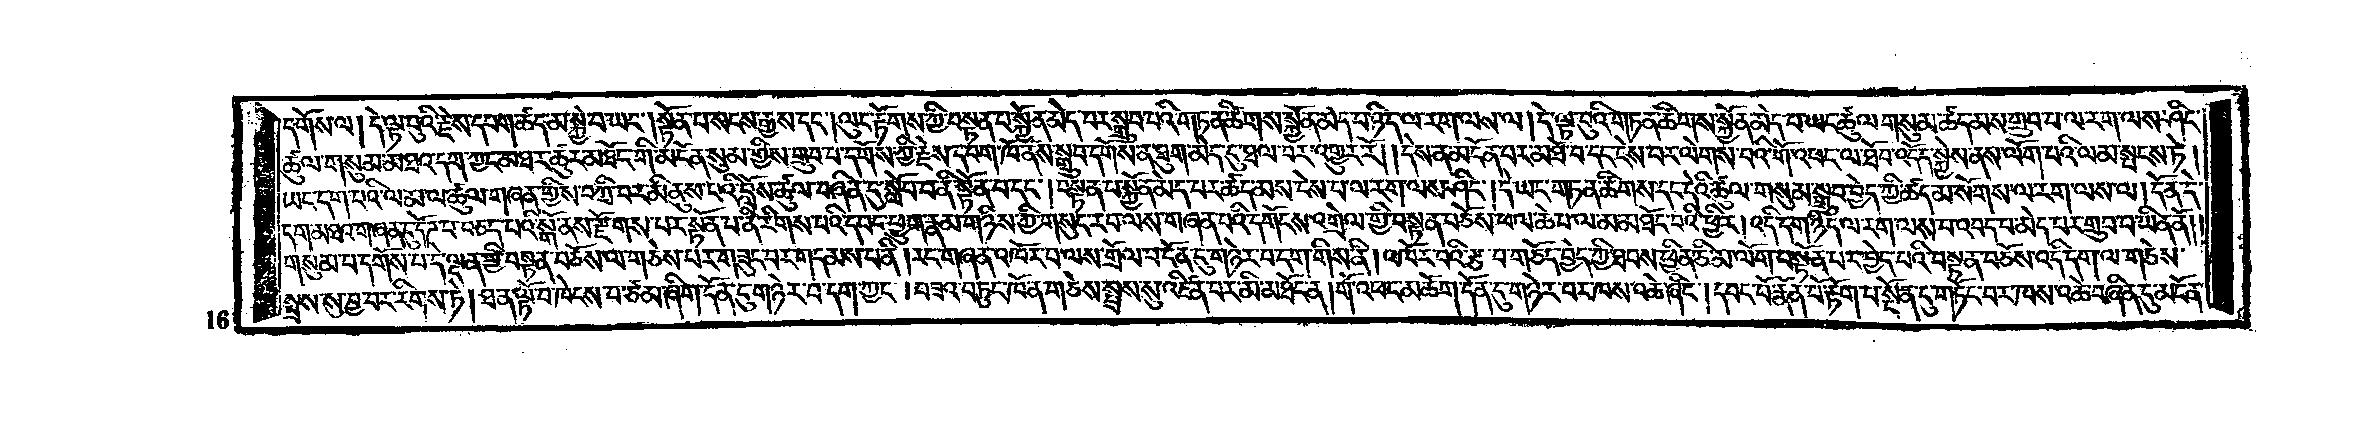དགོས་ལ། དེ་ལྟ་བུའི་རྗེས་དཔག་ཚད་མ་སྐྱེ་བ་ཡང་། སྟོན་པ་སངས་རྒྱས་དང་། ལུང་རྟོགས་ཀྱི་བསྟན་པ་སྐྱོན་མེད་པར་སྒྲུབ་པའི་གཏན་ཚིགས་སྐྱོན་མེད་པ་ཉིད་ལ་རག་ལས་ལ། དེ་ལྟ་བུའི་གཏན་ཚིགས་སྐྱོན་མེད་པ་ཡང་ཚུལ་གསུམ་ཚད་མས་གྲུབ་པ་ལ་རག་ལས་ཤིང་
ཚུལ་གསུམ་མཐའ་དག་ཀྱང་མཐར་ཚུར་མཐོང་གི་མངོན་སུམ་གྱིས་གྲུབ་པ་དགོས་ཀྱི་རྗེས་དཔག་ཁོ་ནས་སྒྲུབ་དགོས་ན་ཐུག་མེད་དུ་ཐལ་བར་འགྱུར་རོ། །དེས་ན་མངོན་པར་མཐོ་བ་དང་ངེས་པར་ལེགས་པའི་གོ་འཕང་ལ་ཐོབ་འདོད་སྐྱེས་ནས་ལོག་པའི་ལམ་སྤངས་ཏེ།
ཡང་དག་པའི་ལམ་ལ་ཚུལ་གཞན་གྱིས་བཀྲི་བར་མི་ནུས་པའི་བློས་ཚུལ་བཞིན་དུ་སློབ་པ་ནི་སྟོན་པ་དང་། བསྟན་པ་སྐྱོན་མེད་པར་ཚད་མས་ངེས་པ་ལ་རག་ལས་ཤིང་། དེ་ཡང་གཏན་ཚིགས་དང་དེའི་ཚུལ་གསུམ་སྒྲུབ་བྱེད་ཀྱི་ཚད་མ་སོགས་ལ་རག་ལས་ལ། དོན་དེ་
དག་མཐའ་གཞན་དུ་དོཌ་པ་བཅད་པའི་སྒོ་ནས་རྫོགས་པར་སྟོན་པ་ནི་རིགས་པའི་དབང་ཕྱུག་རྣམ་གཉིས་ཀྱི་གསུང་རབ་ལས་གཞན་པའི་དགོངས་འགྲེལ་གྱི་བསྟན་བཅོས་ཕལ་ཆེ་བ་ལ་མ་མཐོང་བའི་ཕྱིར། འདི་དག་ཉིད་ལ་རག་ལས་པ་འབད་པ་མེད་པར་གྲུབ་པ་ཡིན་ནོ། །
གསུམ་པ་དགོས་པ་དེ་ལྡན་གྱི་བསྟན་བཅོས་ལ་གཅེས་པར་གཟུང་བར་གདམས་པ་ནི། རང་གཞན་འཁོར་བ་ལས་གྲོལ་བ་དོན་དུ་གཉེར་བ་དག་གིས་ནི། འཁོར་བའི་རྩ་བ་གཅོད་བྱེད་ཀྱི་ཐབས་ཕྱིན་ཅི་མ་ལོག་པ་སྟོན་པར་བྱེད་པའི་བསྟན་བཅོས་འདི་དག་ལ་གཅེས་
སྤྲས་སུ་བྱ་བར་རིགས་ཏེ། ཐ་ན་ལྟོ་བ་ཁེངས་པ་ཙམ་ཞིག་དོན་དུ་གཉེར་བ་དག་ཀྱང་། བཟའ་བཏུང་ཁོ་ན་གཅེས་སྤྲས་སུ་འཛིན་པར་མི་མཐོང་ན། གོ་འཕང་མཆོག་དོན་དུ་གཉེར་བར་ཁས་འཆེ་ཞིང་། དབང་པོ་རྣོན་པོ་རྟོག་པ་སྔོན་དུ་གཏོང་བར་ཁས་འཆེ་བཞིན་དུ་མངོན་